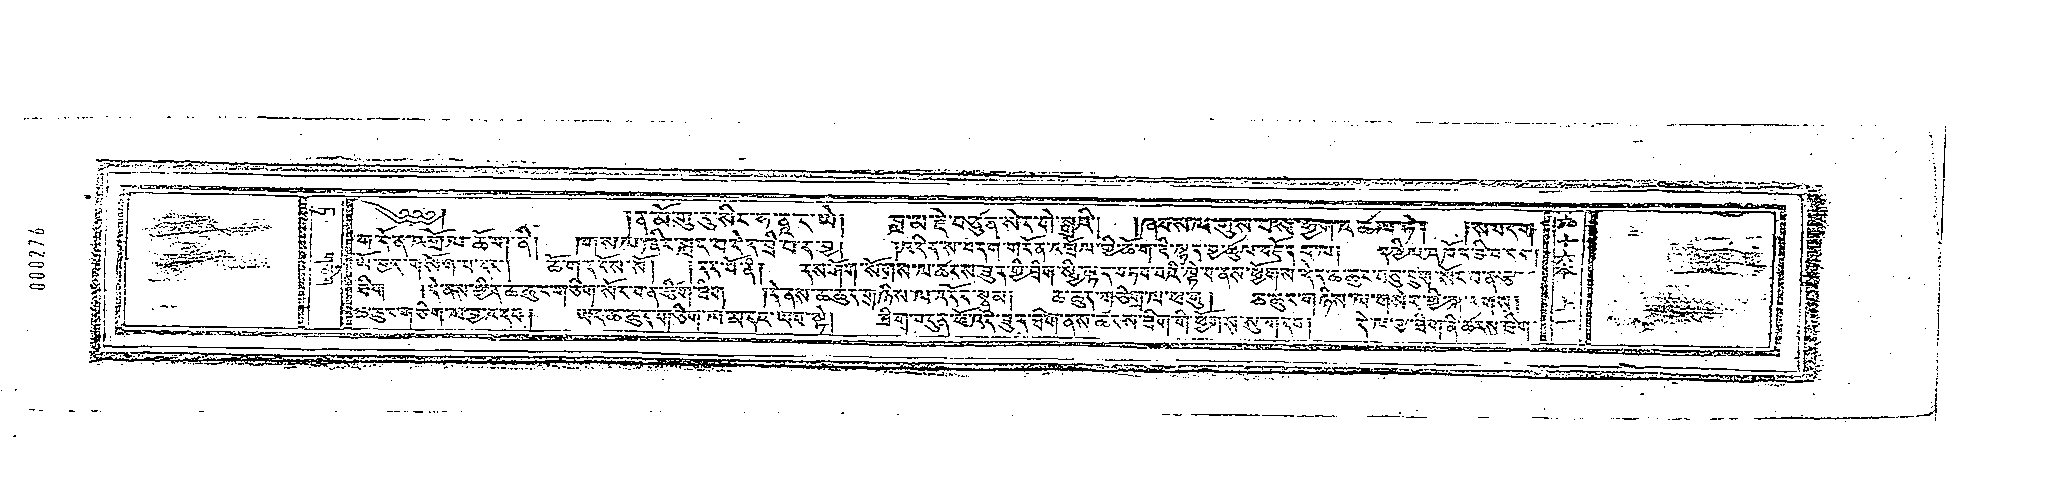༄༅༅། །ན་མོ་གུ་རུ་སིང་ཧ་ནཱ་ད་ཡེ། །བླ་མ་རྗེ་བཙུན་སེང་གེ་སྒྲའི། །ཞབས་ལ་གུས་པས་ཕྱག་འཚལ་ཏེ། །ས་བདག་
གདོན་འགྲོལ་ཆོ་ག་ནི། །གསལ་ཞིང་བླང་བདེ་འབྲི་བར་བྱ། །འདིད་ས་བདག་གདོན་འགྲོལ་གྱི་ཆོ་ག་ཇི་ལྟར་བྱ་ཚུལ་བརྗོད་པ་ལ། དཀྱིལ་འཁོར་བྲི་བ་དང་།
ཡོ་བྱད་གསོག་པ་དང་། ཆོ་ག་དངོས་སོ། །དང་པོ་ནི། རས་གོག་སོགས་ལ་ཚངས་ཟུར་གྱི་ཐིག་སྤྱི་ལྟར་བཏབ་པའི་ལྟེ་བ་ནས་ཕྱོགས་རེར་ཆ་ཆུང་བཅུ་དྲུག་སོད་བ་ན་རྩ་
ཐིག །དེ་ནས་ཕྱིར་ཆ་ཆུང་གཅིག་སོང་བ་ན་རྩིག་ཐིག །དེ་ནས་ཆ་ཆུང་གཉིས་ལ་འདོད་སྣམ། ཆ་ཆུང་གཅིག་ལ་ཕ་གུ། ཆ་ཆང་གཉིས་ལ་གསེར་གྱི་སྐ་རགས།
ཆ་ཆུང་གཅིག་ལ་བྱ་འདབ། ཡང་ཆ་ཆུང་གཅིག་ལ་མདའ་ཡབ་སྟེ། ཐིག་བདུན་པོ་འདི་ཟུར་ཐིག་ནས་ཚངས་ཐིག་གི་ཕྱོགས་སུ་གདབ། དེ་ལ་རྩ་ཐིག་ནི་ཚངས་ཐིག་